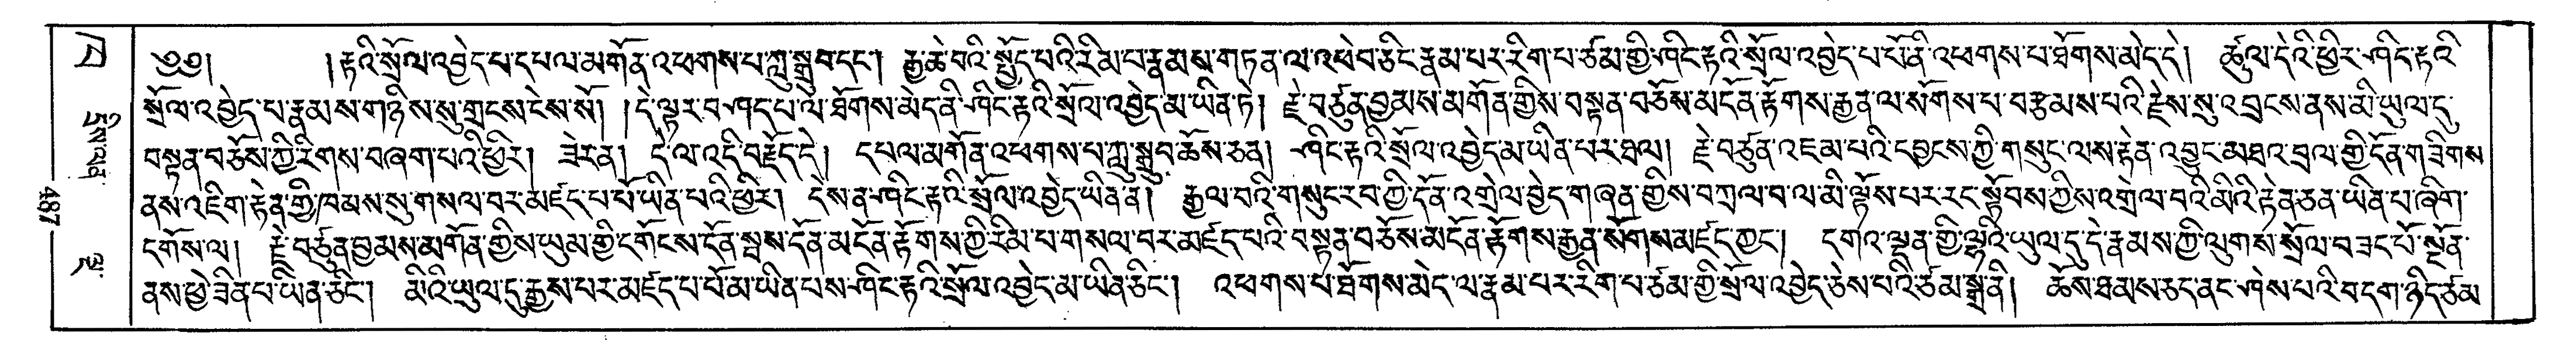༄༅། །རྟའི་སྲོལ་འབྱེད་པ་དཔལ་མགོན་འཕགས་པ་ཀླུ་སྒྲུབ་དང་། རྒྱ་ཆེ་བའི་སྤྱོད་པའི་རིམ་པ་རྣམས་གཏན་ལ་འབེབ་ཅིང་རྣམ་པར་རིག་པ་ཙམ་གྱི་ཤིང་རྟའི་སྲོལ་འབྱེད་པ་པོ་ནི་འཕགས་པ་ཐོགས་མེད་དེ། ཚུལ་དེའི་ཕྱིར་ཤིང་རྟའི་
སྲོལ་འབྱེད་ལ་རྣམ་པ་གཉིས་སུ་གྲངས་ངེས་སོ། །དེ་ལྟར་བཤད་པ་ལ་ཐོགས་མེད་ནི་ཤིང་རྟའི་སྲོལ་འབྱེད་མ་ཡིན་ཏེ། རྗེ་བཙུན་བྱམས་མགོན་གྱིས་བསྟན་བཅོས་མངོན་རྟོགས་རྒྱན་ལ་སོགས་པ་བརྩམས་པའི་རྗེས་སུ་འབྲངས་ནས་མི་ཡུལ་དུ་
བསྟན་བཅོས་ཀྱི་རིགས་བཞག་པའི་ཕྱིར། ཟེར་ན། དེ་ལ་འདི་བརྗོད་དེ། དཔལ་མགོན་འཕགས་པ་ཀླུ་སྒྲུབ་ཆོས་ཅན། ཤིང་རྟའི་སྲོལ་འབྱེད་མ་ཡིན་པར་ཐལ། རྗེ་བཙུན་འཇམ་པའི་དབྱངས་ཀྱི་གསུང་ལས་རྟེན་འབྱུང་མཐའ་བྲལ་གྱི་དོན་གཟིགས་
ནས་འཇིག་རྟེན་གྱི་ཁམས་སུ་གསལ་བར་མཛད་པ་པོ་ཡིན་པའི་ཕྱིར། དེས་ན་ཤིང་རྟའི་སྲོལ་འབྱེད་ཡིན་ན། རྒྱལ་བའི་གསུང་རབ་ཀྱི་དོན་འགྲེལ་བྱེད་གཞན་གྱིས་བཀྲལ་བ་ལ་མི་ལྟོས་པར་རང་སྟོབས་ཀྱིས་འགྲེལ་བའི་མིའི་རྟེན་ཅན་ཡིན་པ་ཞིག་
དགོས་ལ། རྗེ་བཙུན་བྱམས་མགོན་གྱིས་ཡུམ་གྱི་དགོངས་དོན་སྦས་དོན་མངོན་རྟོགས་ཀྱི་རིམ་པ་གསལ་བར་མཛད་པའི་བསྟན་བཅོས་མངོན་རྟོགས་རྒྱན་སོགས་མཛད་ཀྱང་། དགའ་ལྡན་གྱི་ལྷའི་ཡུལ་དུ་དེ་རྣམས་ཀྱི་ལུགས་སྲོལ་བཟང་པོ་སྔོན་
ནས་ཕྱི་ཟིན་པ་ཡིན་ཅིང་། མིའི་ཡུལ་དུ་རྒྱས་པར་མཛད་པ་པོ་མ་ཡིན་པས་ཤིང་རྟའི་སྲོལ་འབྱེད་མ་ཡིན་ཅིང་། འཕགས་པ་ཐོགས་མེད་ལ་རྣམ་པར་རིག་པ་ཙམ་གྱི་སྲོལ་འབྱེད་ཅེས་པའི་ཙམ་སྒྲ་ནི། ཆོས་ཐམས་ཅད་ནང་ཤེས་པའི་བདག་ཉིད་ཙམ་